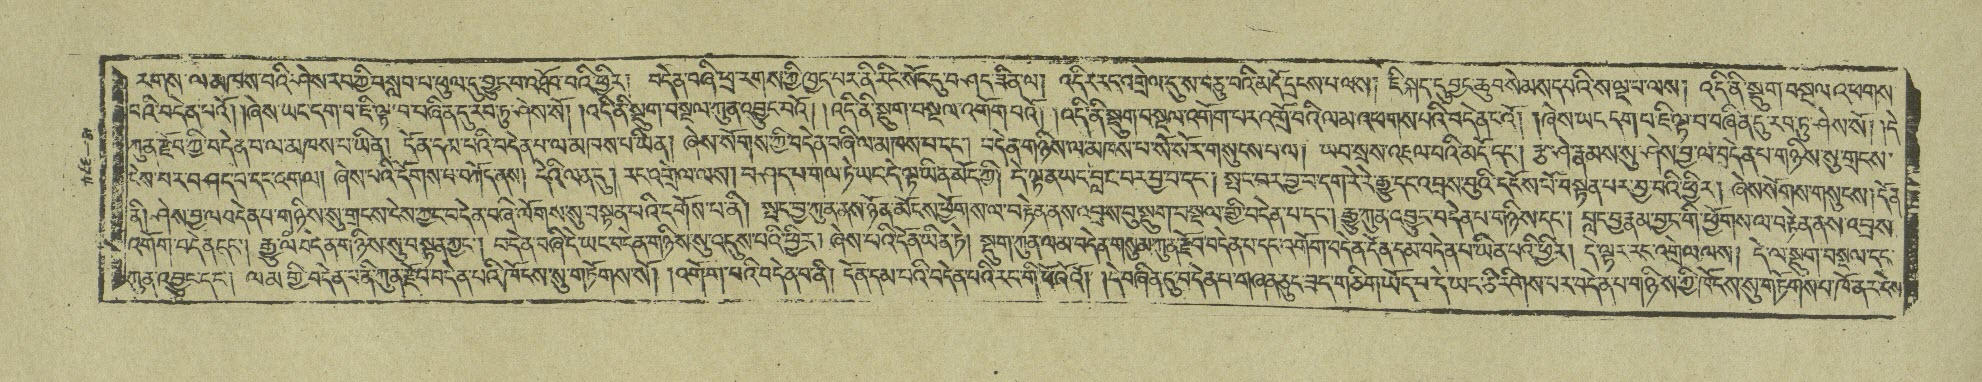རགས་ལ་མཁས་པའི་ཤེས་རབ་ཀྱི་བསླབ་པ་ཕུལ་དུ་བྱུང་བ་འཐོབ་པའི་ཕྱིར། བདེན་བཞི་ཕྲ་རགས་ཀྱི་ཁྱད་པར་ནི་རིང་སོང་དུ་བཤད་ཟིན་ལ། འདིར་རང་འགྲེལ་དུ་ས་བཅུ་པའི་མདོ་དྲངས་པ་ལས། ཇི་སྐད་དུ་བྱང་ཆུབ་སེམས་དཔའི་ས་ལྔ་པ་ལས། འདི་ནི་སྡུག་བསྔལ་འཕགས་
པའི་བདེན་པའོ། །ཞེས་ཡང་དག་པ་ཇི་ལྟ་བ་བཞིན་དུ་རབ་ཏུ་ཤེས་སོ། །འདི་ནི་སྡུག་བསྔལ་ཀུན་འབྱུང་བའོ། །འདི་ནི་སྡུག་བསྔལ་འགོག་པའོ། །འདི་ནི་སྡུག་བསྔལ་འགོག་པར་འགྲོ་བའི་ལམ་འཕགས་པའི་བདེན་པའོ། །ཞེས་ཡང་དག་པ་ཇི་ལྟ་བ་བཞིན་དུ་རབ་ཏུ་ཤེས་སོ། །དེ་
ཀུན་རྫོབ་ཀྱི་བདེན་པ་ལ་མཁས་པ་ཡིན། དོན་དམ་པའི་བདེན་པ་ལ་མཁས་པ་ཡིན། ཞེས་སོགས་ཀྱི་བདེན་བཞི་ལ་མཁས་པ་དང་། བདེན་གཉིས་ལ་མཁས་པ་སོ་སོར་གསུངས་པ་ལ། ཡབ་སྲས་འཇལ་བའི་མདོ་དང་། རྩ་ཤེ་རྣམས་སུ་ཤེས་བྱ་ལ་བདེན་པ་གཉིས་སུ་གྲངས་
ངེས་པར་བཤད་པ་དང་འགལ། ཞེས་པའི་དོགས་པ་བཀོད་ནས། དེའི་ལན་དུ། རང་འགྲེལ་ལས། བཤད་པ་གལ་ཏེ་ཡང་དེ་ལྟ་ཡིན་མོད་ཀྱི། དེ་ལྟ་ན་ཡང་བླང་བར་བྱ་བ་དང་། སྤང་བར་བྱ་བ་དག་རེ་རེ་རྒྱུ་དང་འབྲས་བུའི་དངོས་པོ་བསྟན་པར་བྱ་བའི་ཕྱིར། ཞེས་སོགས་གསུངས། དོན་
ནི། ཤེས་བྱ་ལ་བདེན་པ་གཉིས་སུ་གྲངས་ངེས་ཀྱང་བདེན་བཞི་ལོགས་སུ་བསྟན་པའི་དགོས་པ་ནི། སྤང་བྱ་ཀུན་ནས་ཉོན་མོངས་ཕྱོགས་ལ་བརྟེན་ནས་འབྲས་བུ་སྡུག་བསྔལ་གྱི་བདེན་པ་དང་། རྒྱུ་ཀུན་འབྱུང་བདེན་པ་གཉིས་དང་། བླང་བྱ་རྣམ་བྱང་གི་ཕྱོགས་ལ་བརྟེན་ནས་འབྲས་བུ་
འགོག་བདེན་དང་། རྒྱུ་ལ་བདེན་གཉིས་སུ་བསྟན་ཀྱང་། བདེན་བཞི་དེ་ཡང་བདེན་གཉིས་སུ་འདུས་པའི་ཕྱིར། ཞེས་པའི་དོན་ཡིན་ཏེ། སྡུག་ཀུན་ལམ་བདེན་གསུམ་ཀུན་རྫོབ་བདེན་པ་དང་འགོག་བདེན་དོན་དམ་བདེན་པ་ཡིན་པའི་ཕྱིར། དེ་ལྟར་རང་འགྲེལ་ལས། དེ་ལ་སྡུག་བསྔལ་དང་
ཀུན་འབྱུང་དང་། ལམ་གྱི་བདེན་པ་ནི་ཀུན་རྫོབ་བདེན་པའི་ཁོངས་སུ་གཏོགས་སོ། །འགོག་པའི་བདེན་པ་ནི། དོན་དམ་པའི་བདེན་པའི་རང་གི་ངོ་བོའོ། །དེ་བཞིན་དུ་བདེན་པ་གཞན་ཅུང་ཟད་གཅིག་ཡོད་པ་དེ་ཡང་ཅི་རིགས་པར་བདེན་པ་གཉིས་ཀྱི་ཁོངས་སུ་གཏོགས་པ་ཁོ་ནར་ངེས་